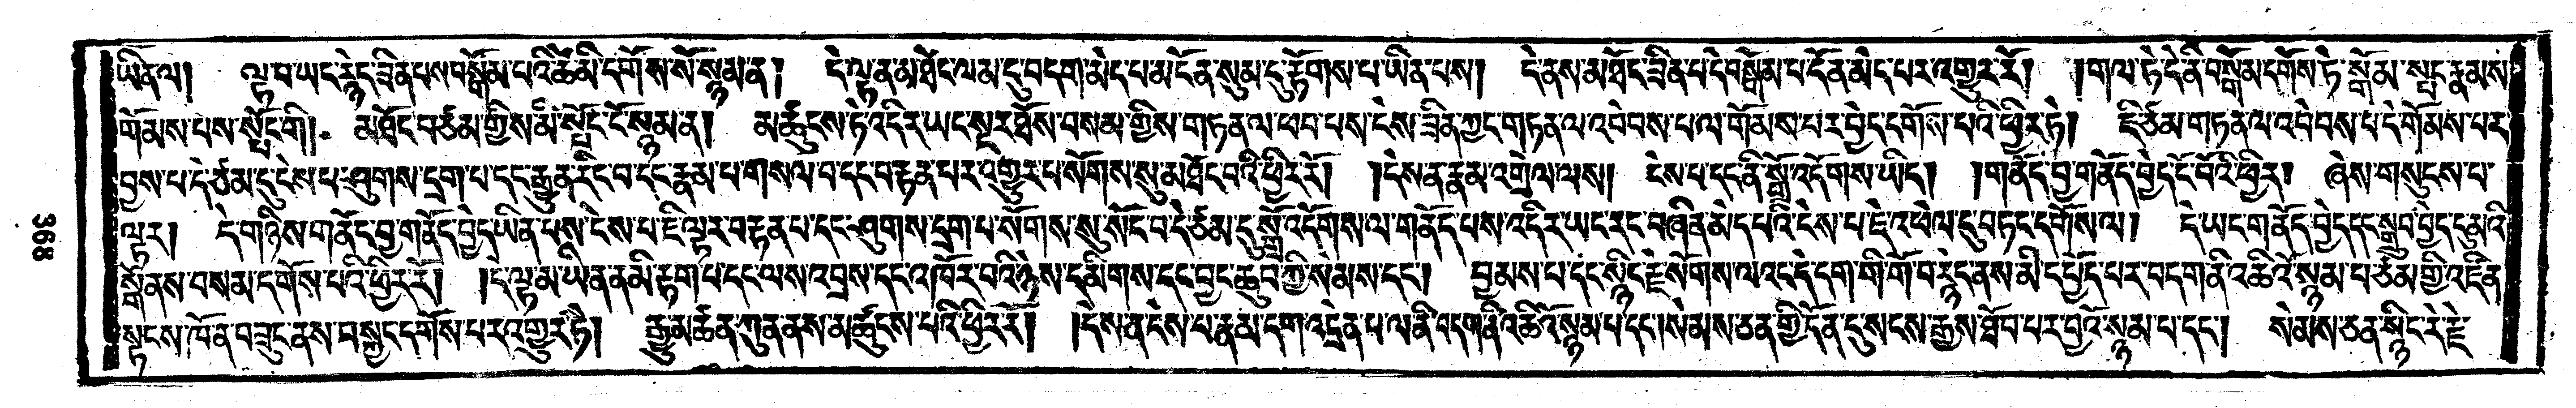ཡིན་ལ། ལྟ་བ་ཡང་རྙེད་ཟིན་པས་བསྒོམ་པའི་ཚེ་མི་དགོས་སོ་སྙམ་ན། དེ་ལྟ་ན་མཐོང་ལམ་དུ་བདག་མེད་པ་མངོན་སུམ་དུ་རྟོགས་པ་ཡིན་པས། དེ་ནས་མཐོང་ཟིན་པ་དེ་བསྒོམ་པ་དོན་མེད་པར་འགྱུར་རོ། །གལ་ཏེ་དེ་ནི་བསྒོམ་དགོས་ཏེ་སྒོམ་སྤང་རྣམས་
གོམས་པས་སྤོང་གི། མཐོང་བ་ཙམ་གྱིས་མི་སྤོང་ངོ་སྙམ་ན། མཚུངས་ཏེ་འདིར་ཡང་སྔར་ཐོས་བསམ་གྱིས་གཏན་ལ་ཕབ་པས་ངེས་ཟིན་ཀྱང་གཏན་ལ་འབེབས་པ་ལ་གོམས་པར་བྱེད་དགོས་པའི་ཕྱིར་ཏེ། ཇི་ཙམ་གཏན་ལ་འབེབས་པ་དེ་གོམས་པར་
བྱས་པ་དེ་ཙམ་དུ་ངེས་པ་ཤུགས་དྲག་པ་དང་རྒྱུན་རིང་བ་དང་རྣམ་པ་གསལ་བ་དང་བརྟན་པར་འགྱུར་པ་སོགས་སུ་མཐོང་བའི་ཕྱིར་རོ། །དེས་ན་རྣམ་འགྲེལ་ལས། ངེས་པ་དང་ནི་སྒྲོ་འདོགས་ཡིད། །གནོད་བྱ་གནོད་བྱེད་ངོ་བོའི་ཕྱིར། ཞེས་གསུངས་པ་
ལྟར། དེ་གཉིས་གནོད་བྱ་གནོད་བྱེད་ཡིན་པས་ངེས་པ་ཇི་ལྟར་བརྟན་པ་དང་ཤུགས་དྲག་པ་སོགས་སུ་སོང་བ་དེ་ཙམ་དུ་སྒྲོ་འདོགས་ལ་གནོད་པས་འདིར་ཡང་རང་བཞིན་མེད་པའི་ངེས་པ་ཇེ་འཕེལ་དུ་བཏང་དགོས་ལ། དེ་ཡང་གནོད་བྱེད་དང་སྒྲུབ་བྱེད་དུ་མའི་
སྒོ་ནས་བསམ་དགོས་པའི་ཕྱིར་རོ། །དེ་ལྟ་མ་ཡིན་ན་མི་རྟག་པ་དང་ལས་འབྲས་དང་འཁོར་བའི་ཉེས་དམིགས་དང་བྱང་ཆུབ་ཀྱི་སེམས་དང་། བྱམས་པ་དང་སྙིང་རྗེ་སོགས་ལའང་དེ་དག་གི་གོ་བ་རྙེད་ནས་མི་དཔྱོད་པར་བདག་ནི་འཆིའོ་སྙམ་པ་ཙམ་གྱི་འཛིན་
སྟངས་ཁོ་ན་བཟུང་ནས་བསྐྱང་དགོས་པར་འགྱུར་ཏེ། རྒྱུ་མཚན་ཀུན་ནས་མཚུངས་པའི་ཕྱིར་རོ། །དེས་ན་ངེས་པ་རྣམ་དག་འདྲེན་པ་ལ་ནི་བདག་ནི་འཆིའོ་སྙམ་པ་དང་། སེམས་ཅན་གྱི་དོན་དུ་སངས་རྒྱས་ཐོབ་པར་བྱའོ་སྙམ་པ་དང་། སེམས་ཅན་སྙིང་རེ་རྗེ་